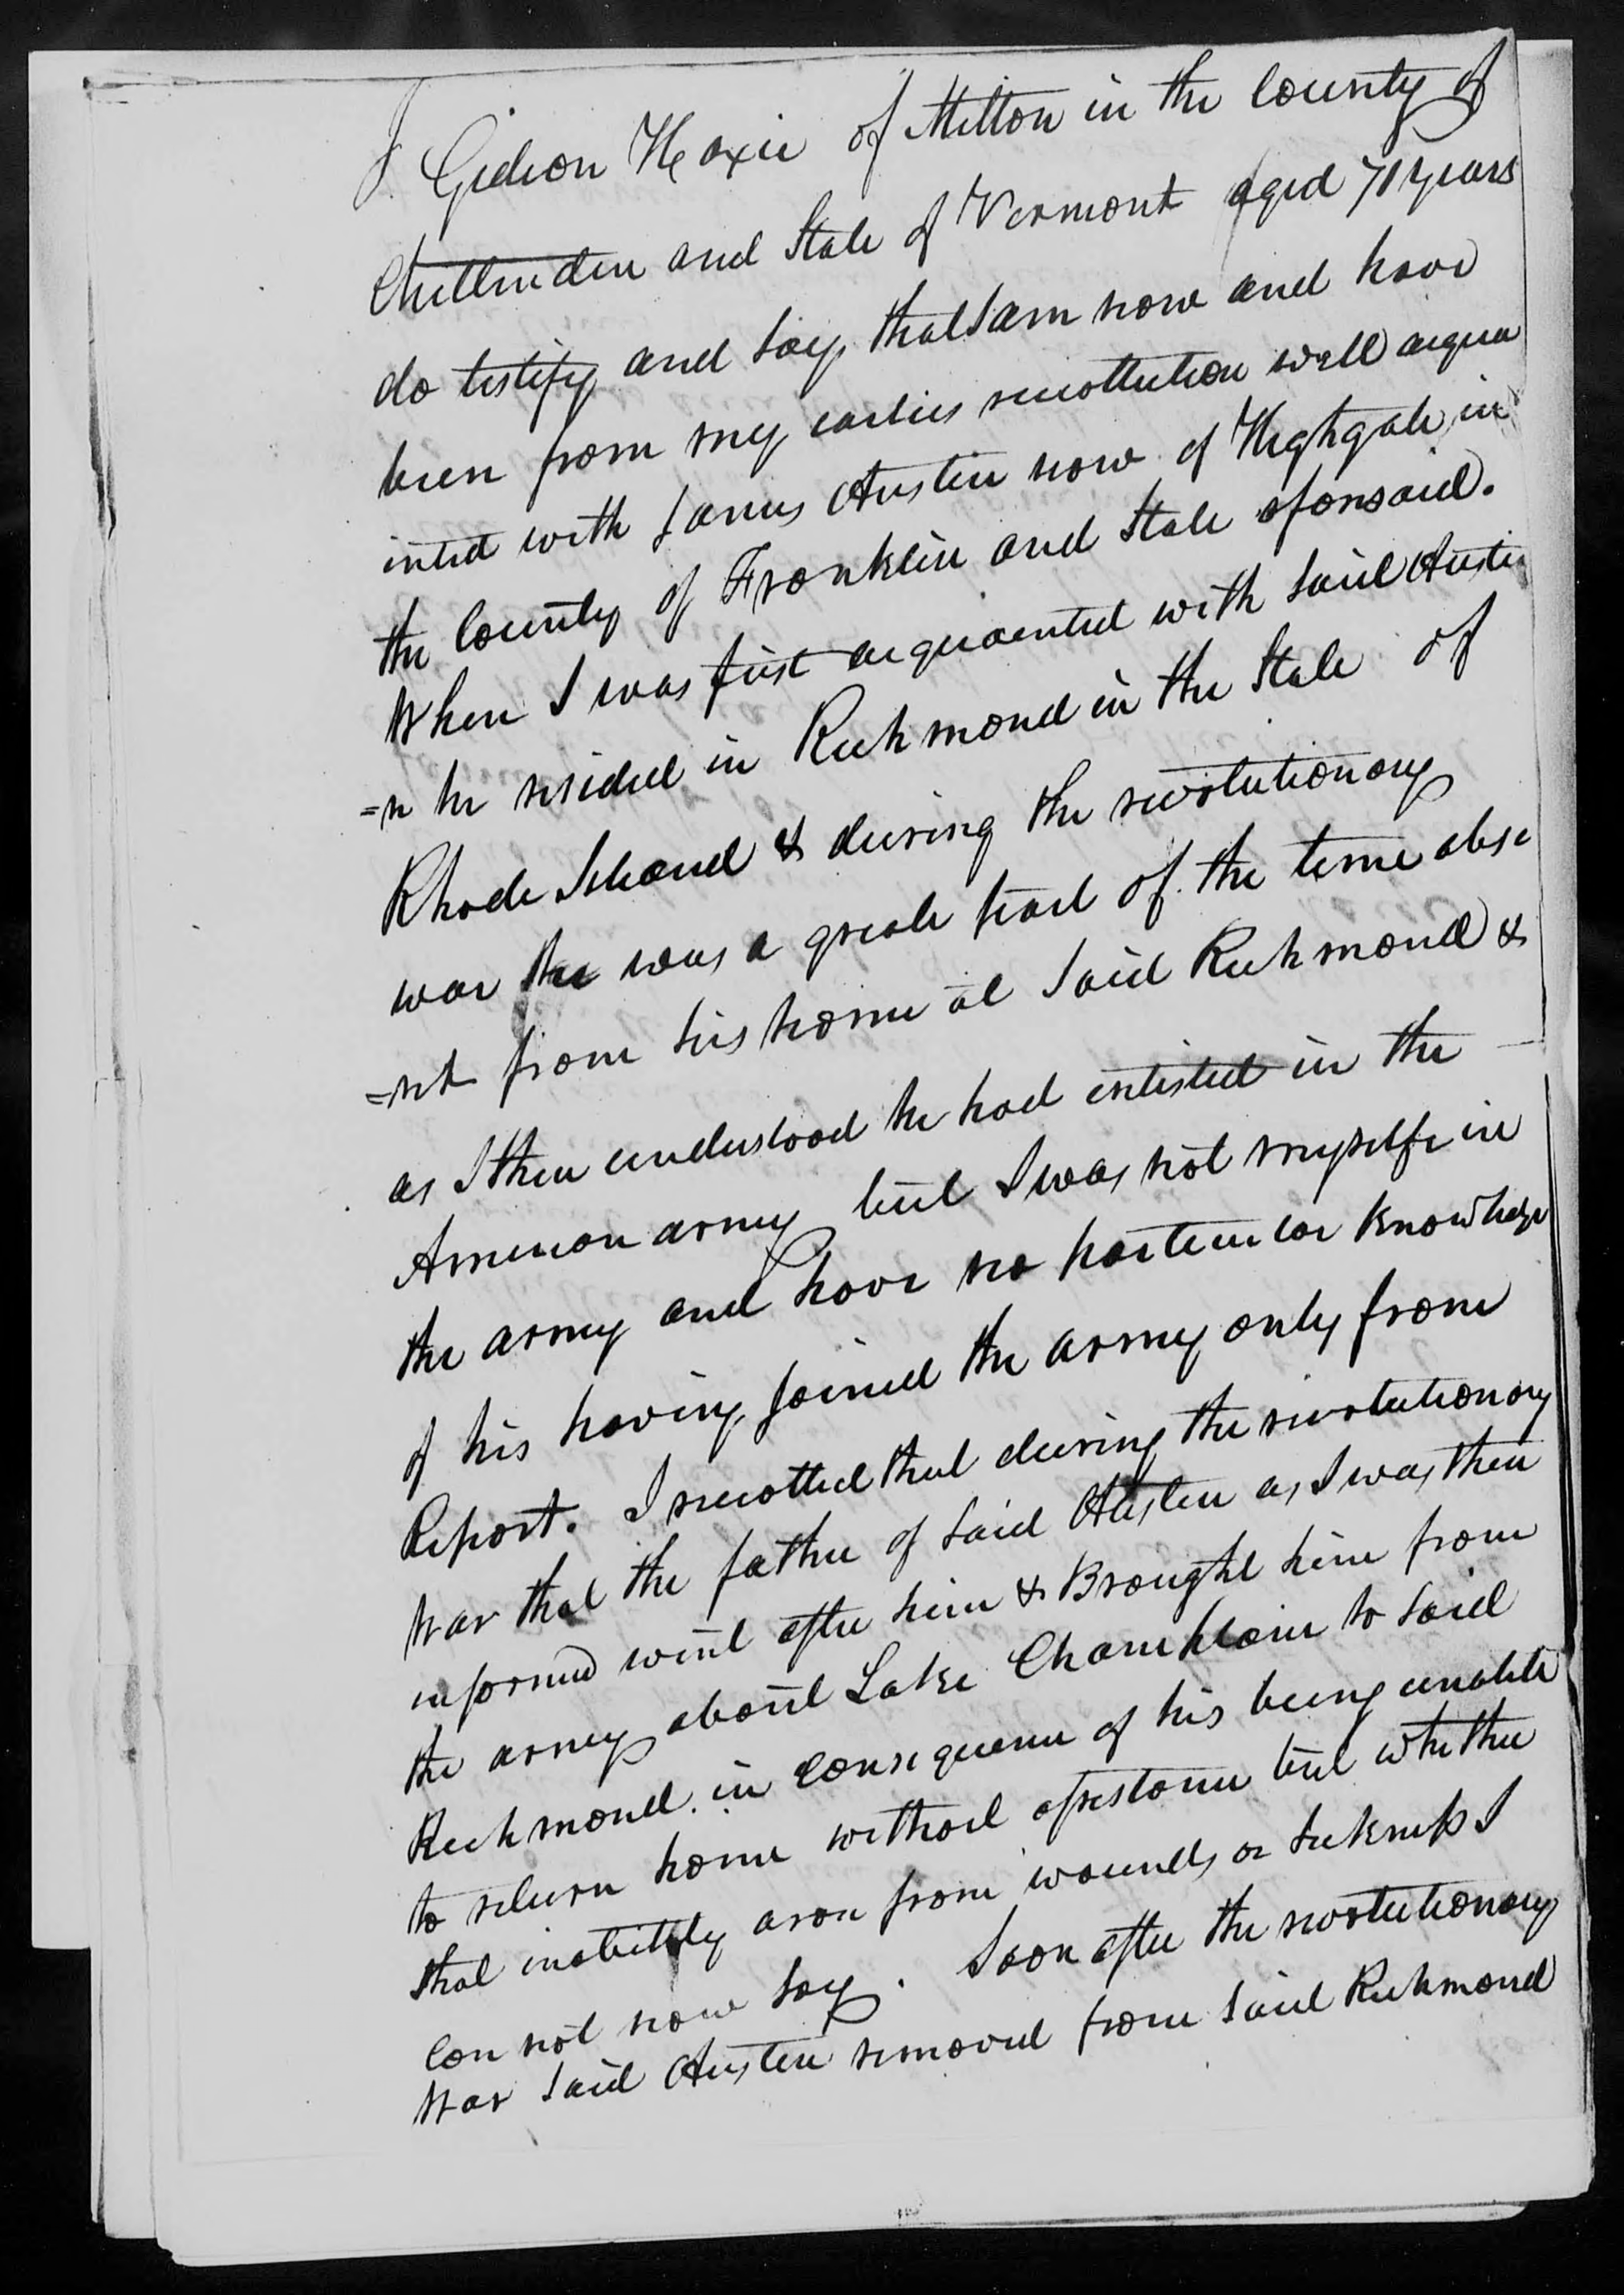I Gideon Moxie of Milton in the county of Chittenden and State of Vermont aged 71 years do testify and say that I am now and have been from my earlier recollection well acquainted with James Austin now of Highgate in & during the revolutionary war he was a great deal of the time absent from his home at said Richmond & as I then understood he had enlisted in the American army, but I was not myself in the army and have no particular knowledge of his having joined the army only from Report. I [illegible] that during the revolutionary war that the father of said Austin as I was then informed went after him & Brought him from the army about Lake Champlain to said Richmond in consequence of his being unable to return home without assistance but whether that inability was from wounds or sickness I can not now say. Soon after the revolutionary War said Austin removed from said Richmond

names: Gideon Hoxie, Austin, Austin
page: 9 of 100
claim: survivor's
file: S 19186, James Austin, Conn. New York R.I.